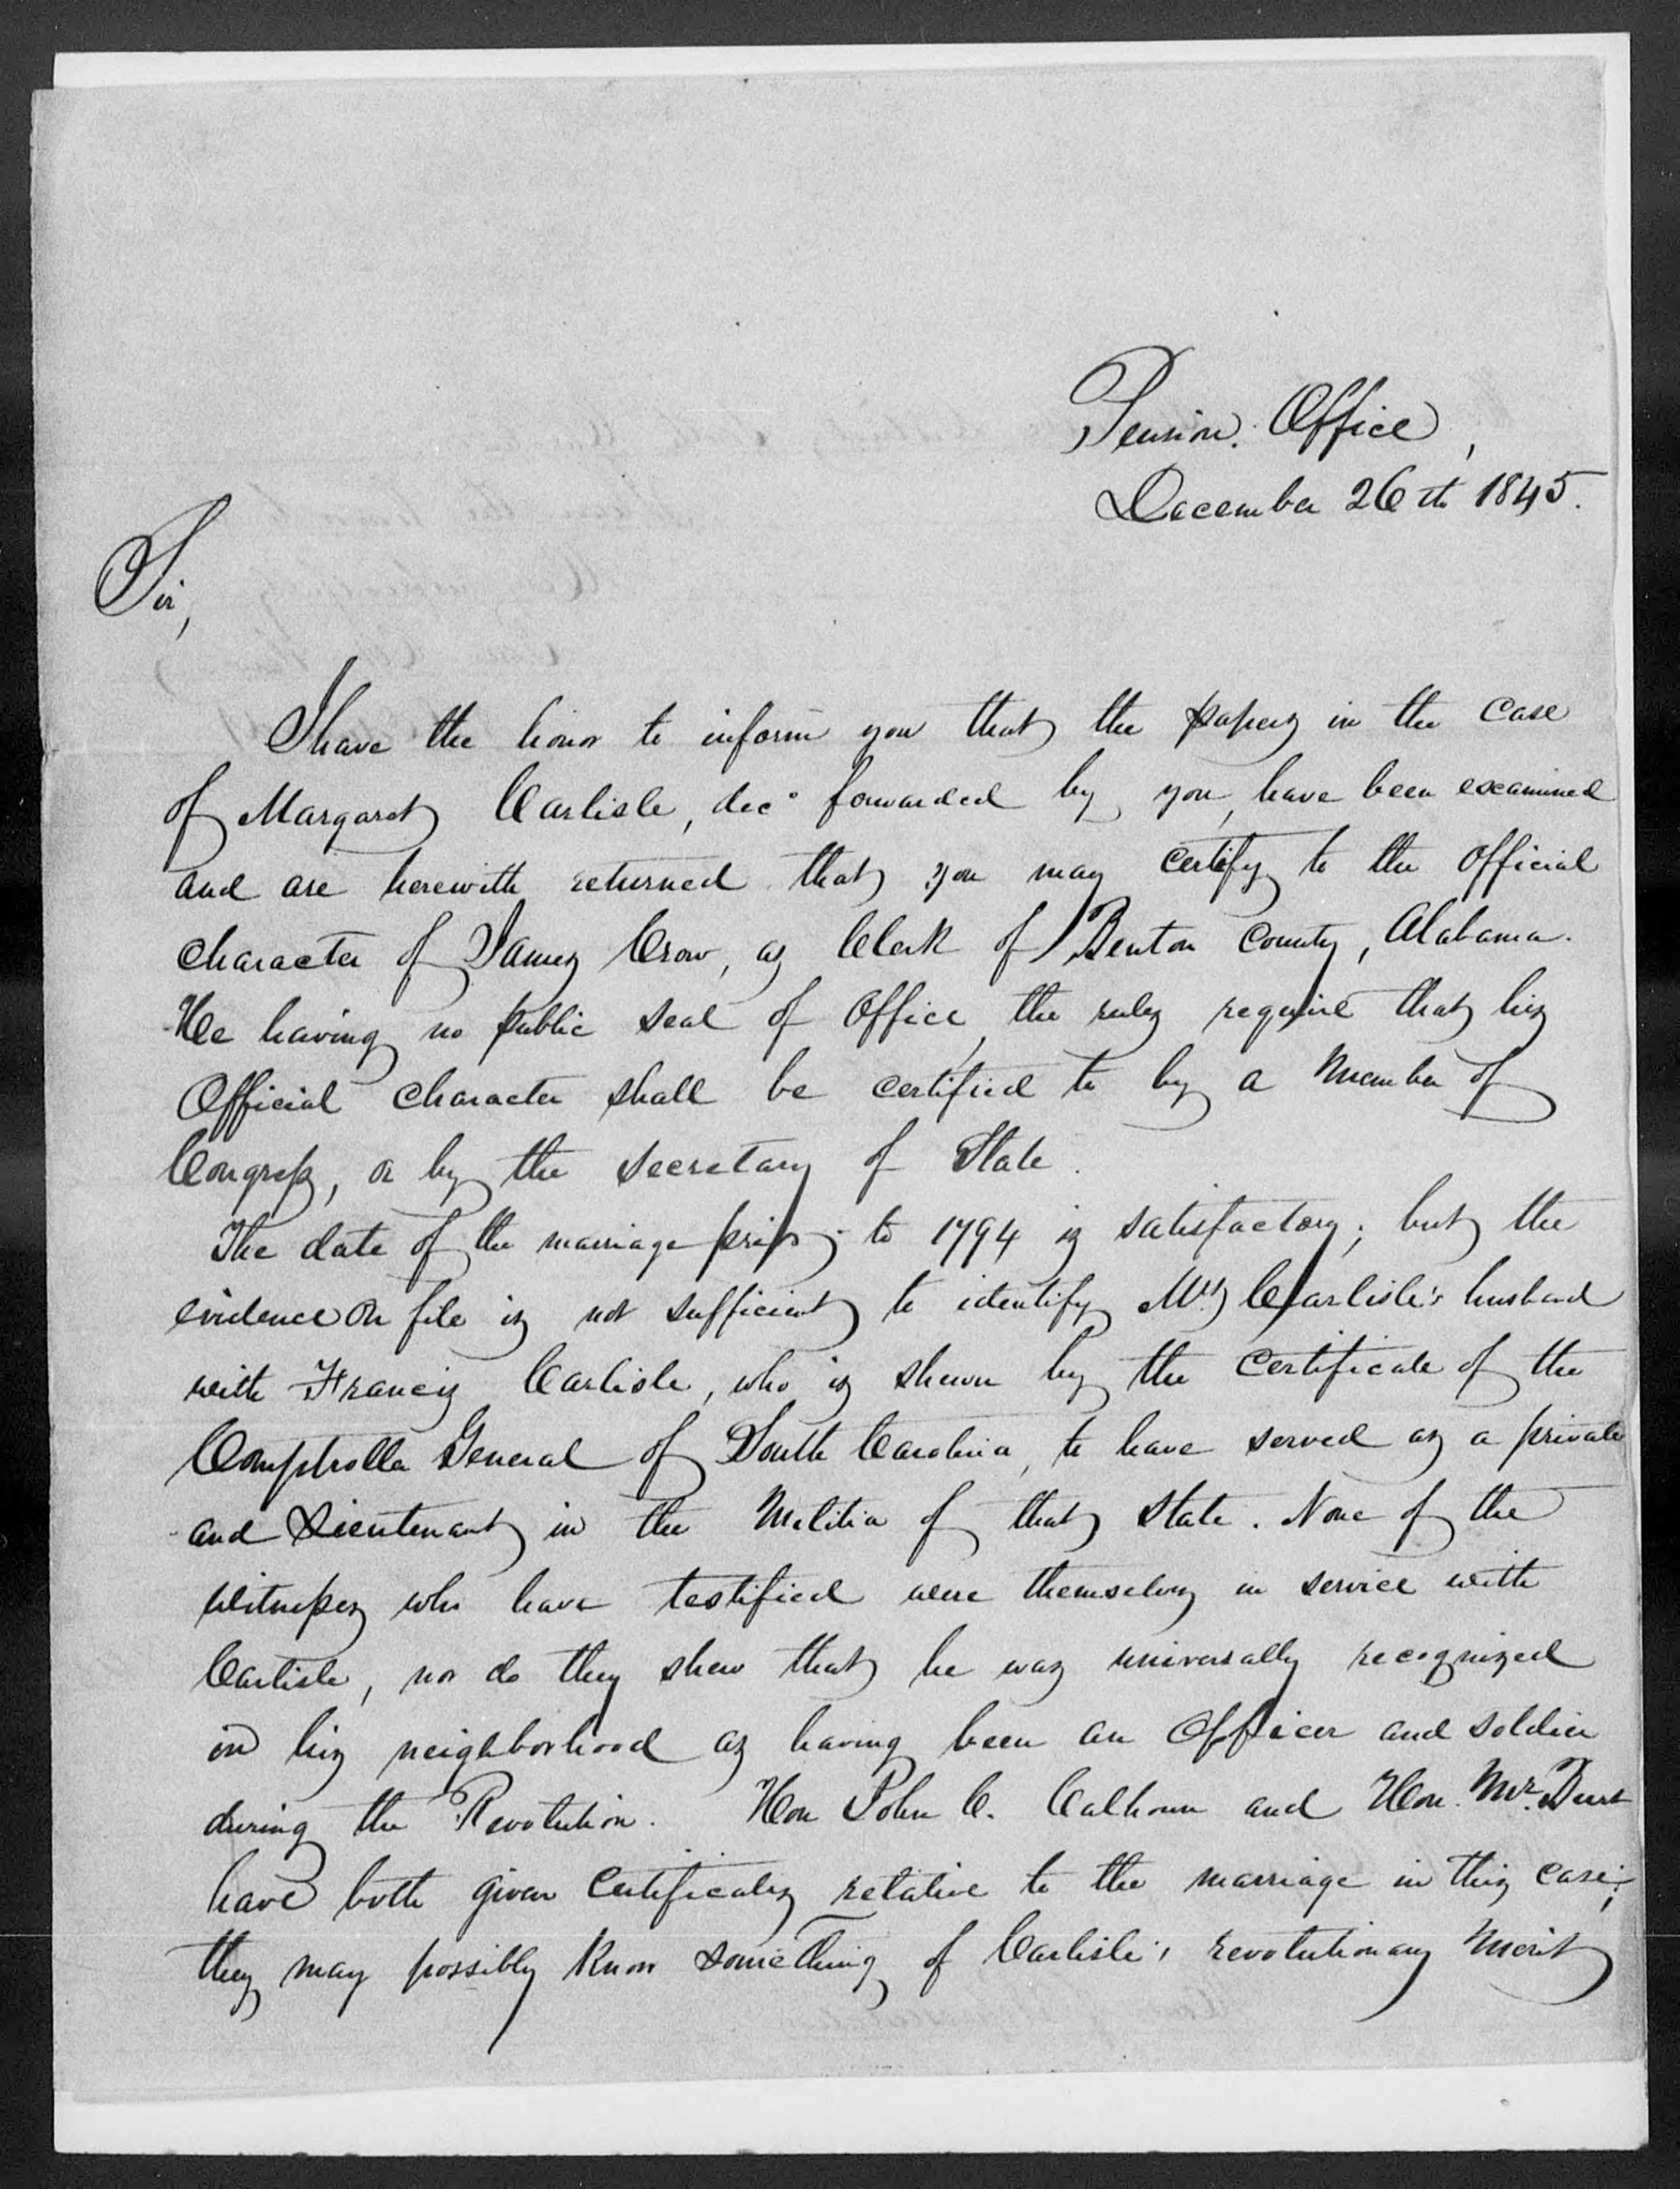Pension Office
December 26th 1845.
Sir I have the honor to inform you that the papers in the case of Margaret Carlisle, decd forwarded by you have been examined and are herewith returned, that you may certify to the Official character of James Crow, as Clerk of Benton County, Alabama
He having no public seal of Office the rules require that his Official character shall be certified to by a member of Congress, or by the Secretary of State
the date of the marriage prior to 1794 is satisfactory; but the evidence on file is not sufficient to identify Mrs. Carlisle's husband with Francis Carlisle, who is shown by the certificate of the Comptroller General of South Carolina to have served as a private and Lieutenant in the Militia of that State. None of the Witnesses who have testified were themselves in service with Carlisle, nor do they show that he was universally recognized in his neighborhood as having been an Officer and soldier
during the Revolution
Hon John C. Calhoun and Hon Mr Burt have both given certificates relative to the marriage in this case
they may possibly know something of Carlisles Revolutionary merit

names: Francis Carlisle, Carlisle, James Crow, Carlisle, John C Calhoun, Carlisle, Margaret Carlisle,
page: 55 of 91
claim: widow's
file: W. 10576, Francis Carlisle, S.C.